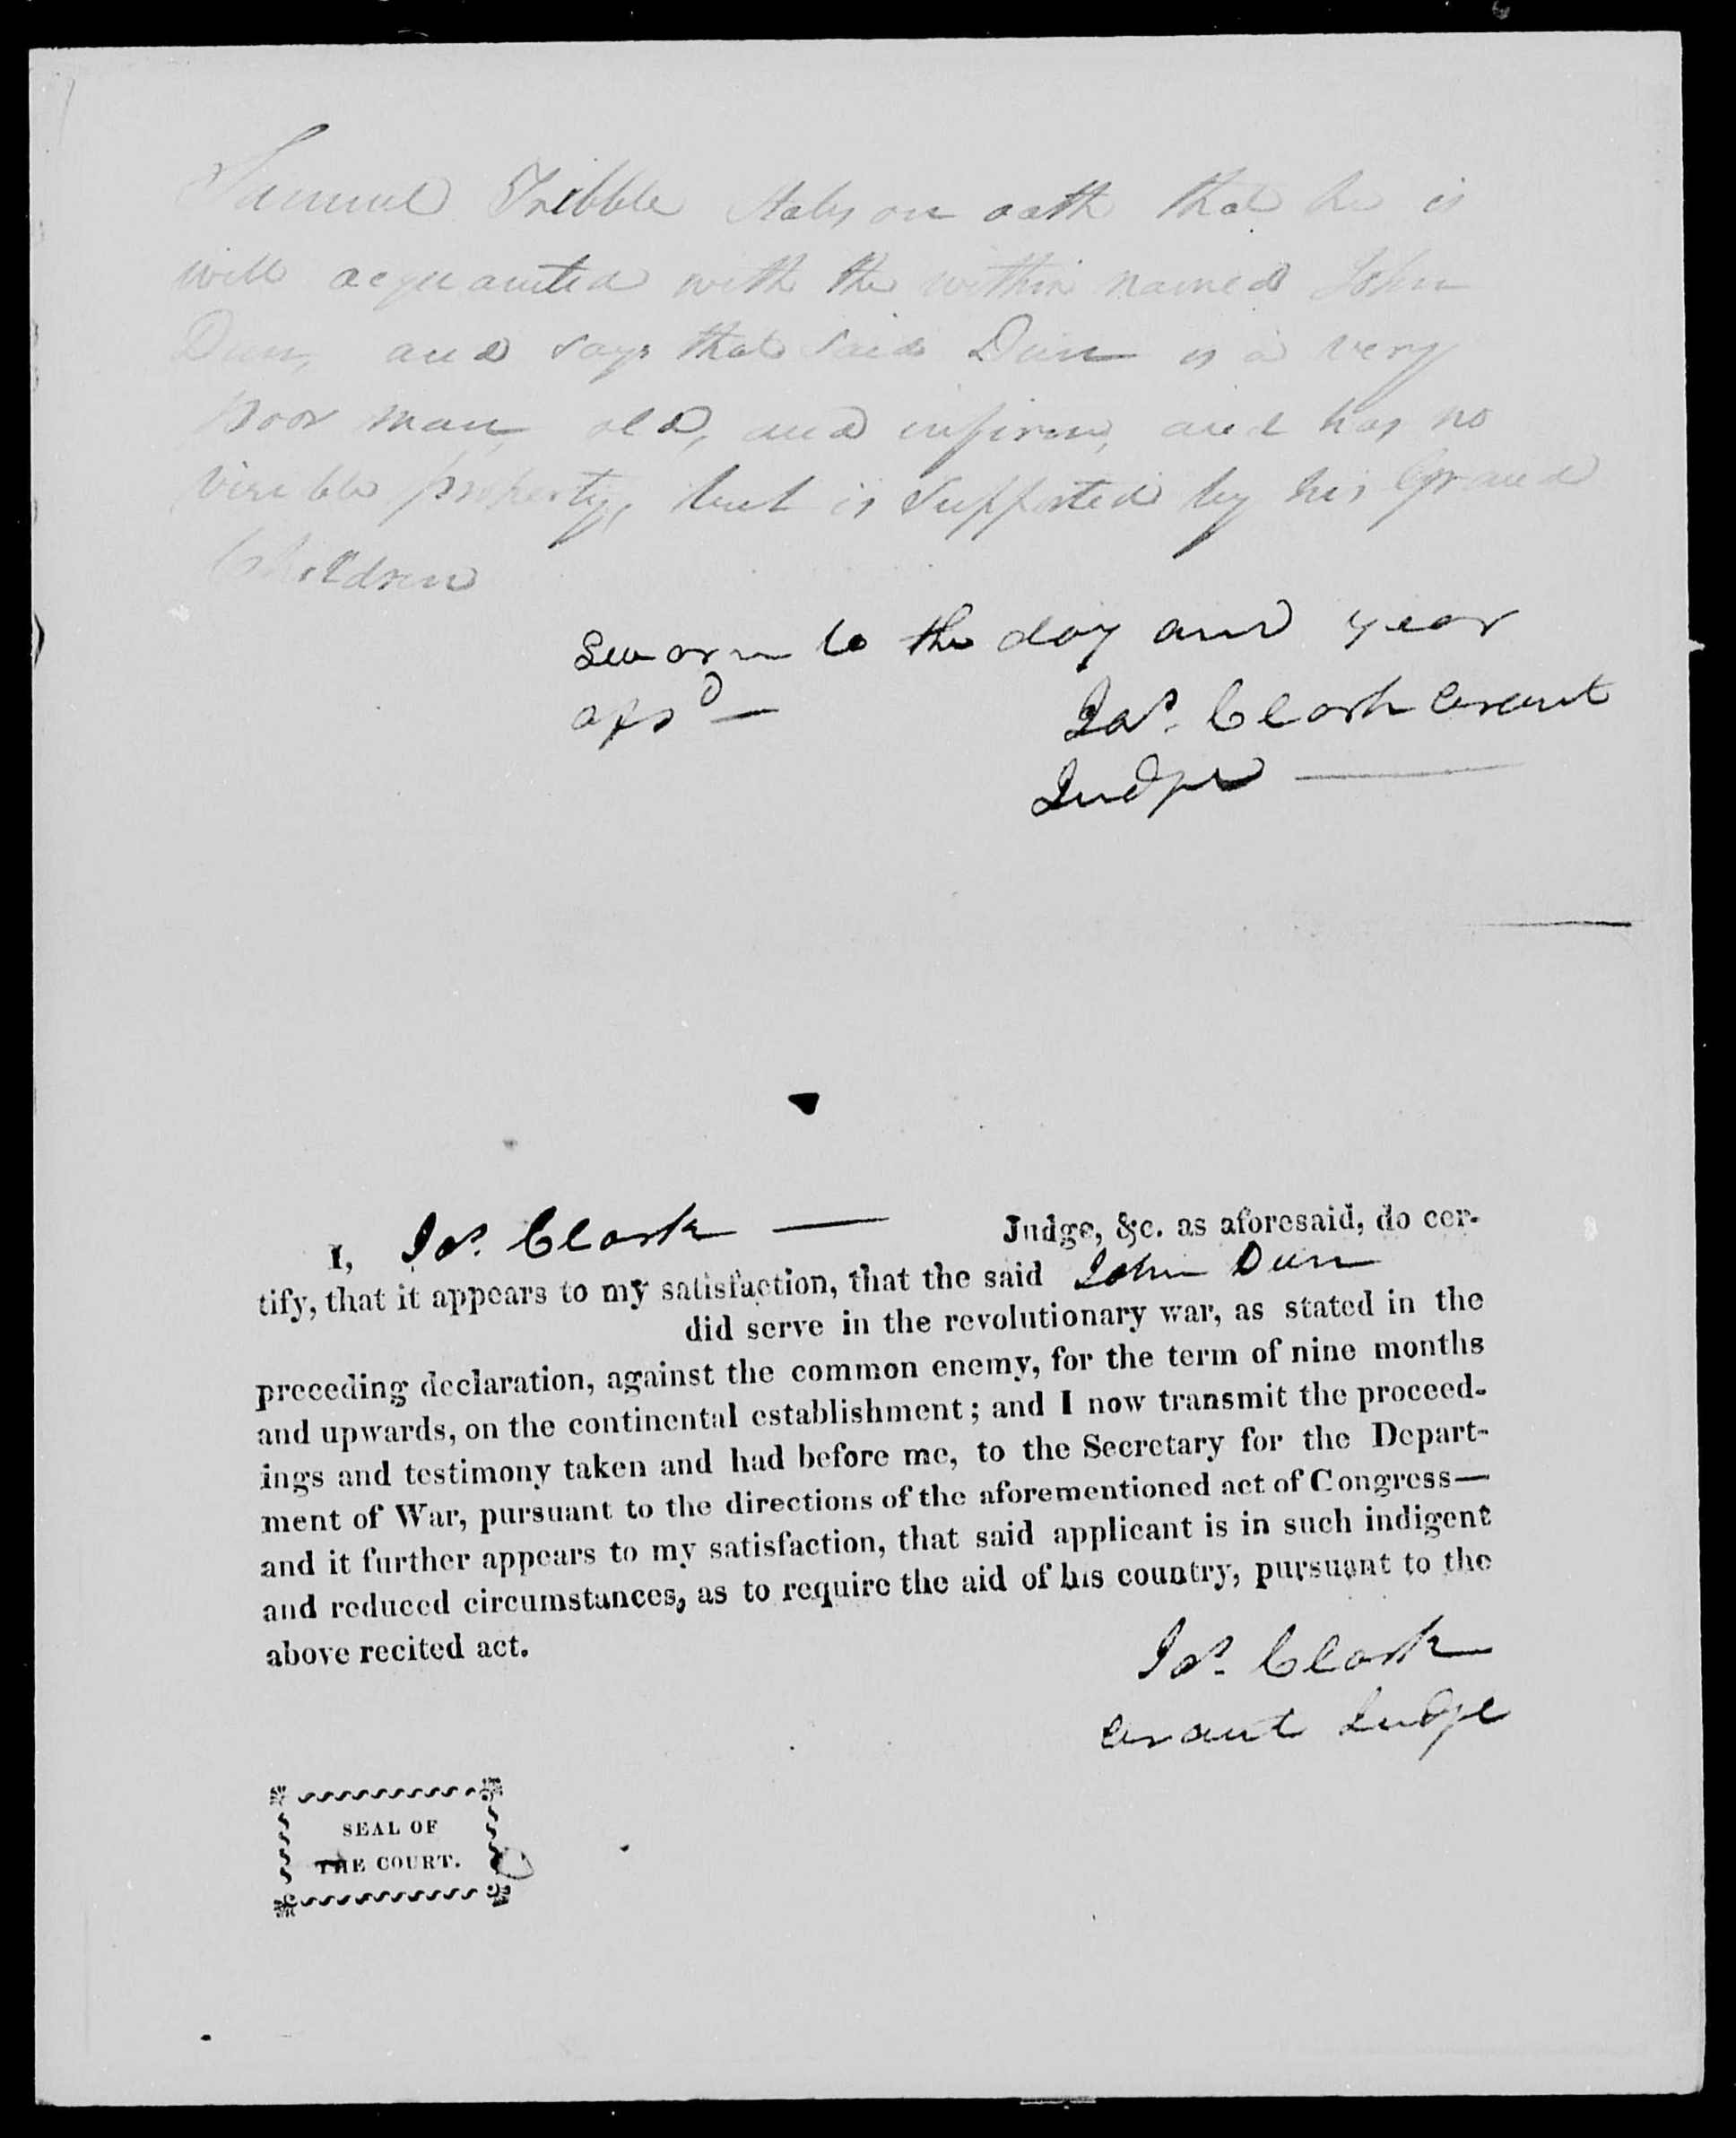Samuel Tribble states on oath that he is
well acquainted with the within named John
Dun, and says that said Dun is a very
poor man old and infirm, and has no
visible property, but is supported by his grandchildren
Sworn to the day and year
[illegible]

Jas Clark Circuit
Judge

I, Jos Clark Judge, &c. as aforesaid, do certify
, that it appears to my satisfaction, that the said John Dun
did serve in the revolutionary war, as stated in the
preceding declaration, against the common enemy, for the term of nine months
and upwards, on the continental establishment; and I now transmit the proceedings
and testimony taken and had before me, to the Secretary for the Department
of War, pursuant to the directions of the aforementioned act of Congress
and it further appears to my satisfaction, that said applicant is in such indigent
and reduced circumstances, as to require the aid of his country, pursuant to the
above recited act.
Jos Clark
SEAL OF
THE COURT.
Circuit Judge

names: Jas Clark, Dun, Jas Clark, Samuel Tribble, John Dun, Jas Clark, John Dun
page: 6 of 23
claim: survivor's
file: S 35903, John Dunn, Va.